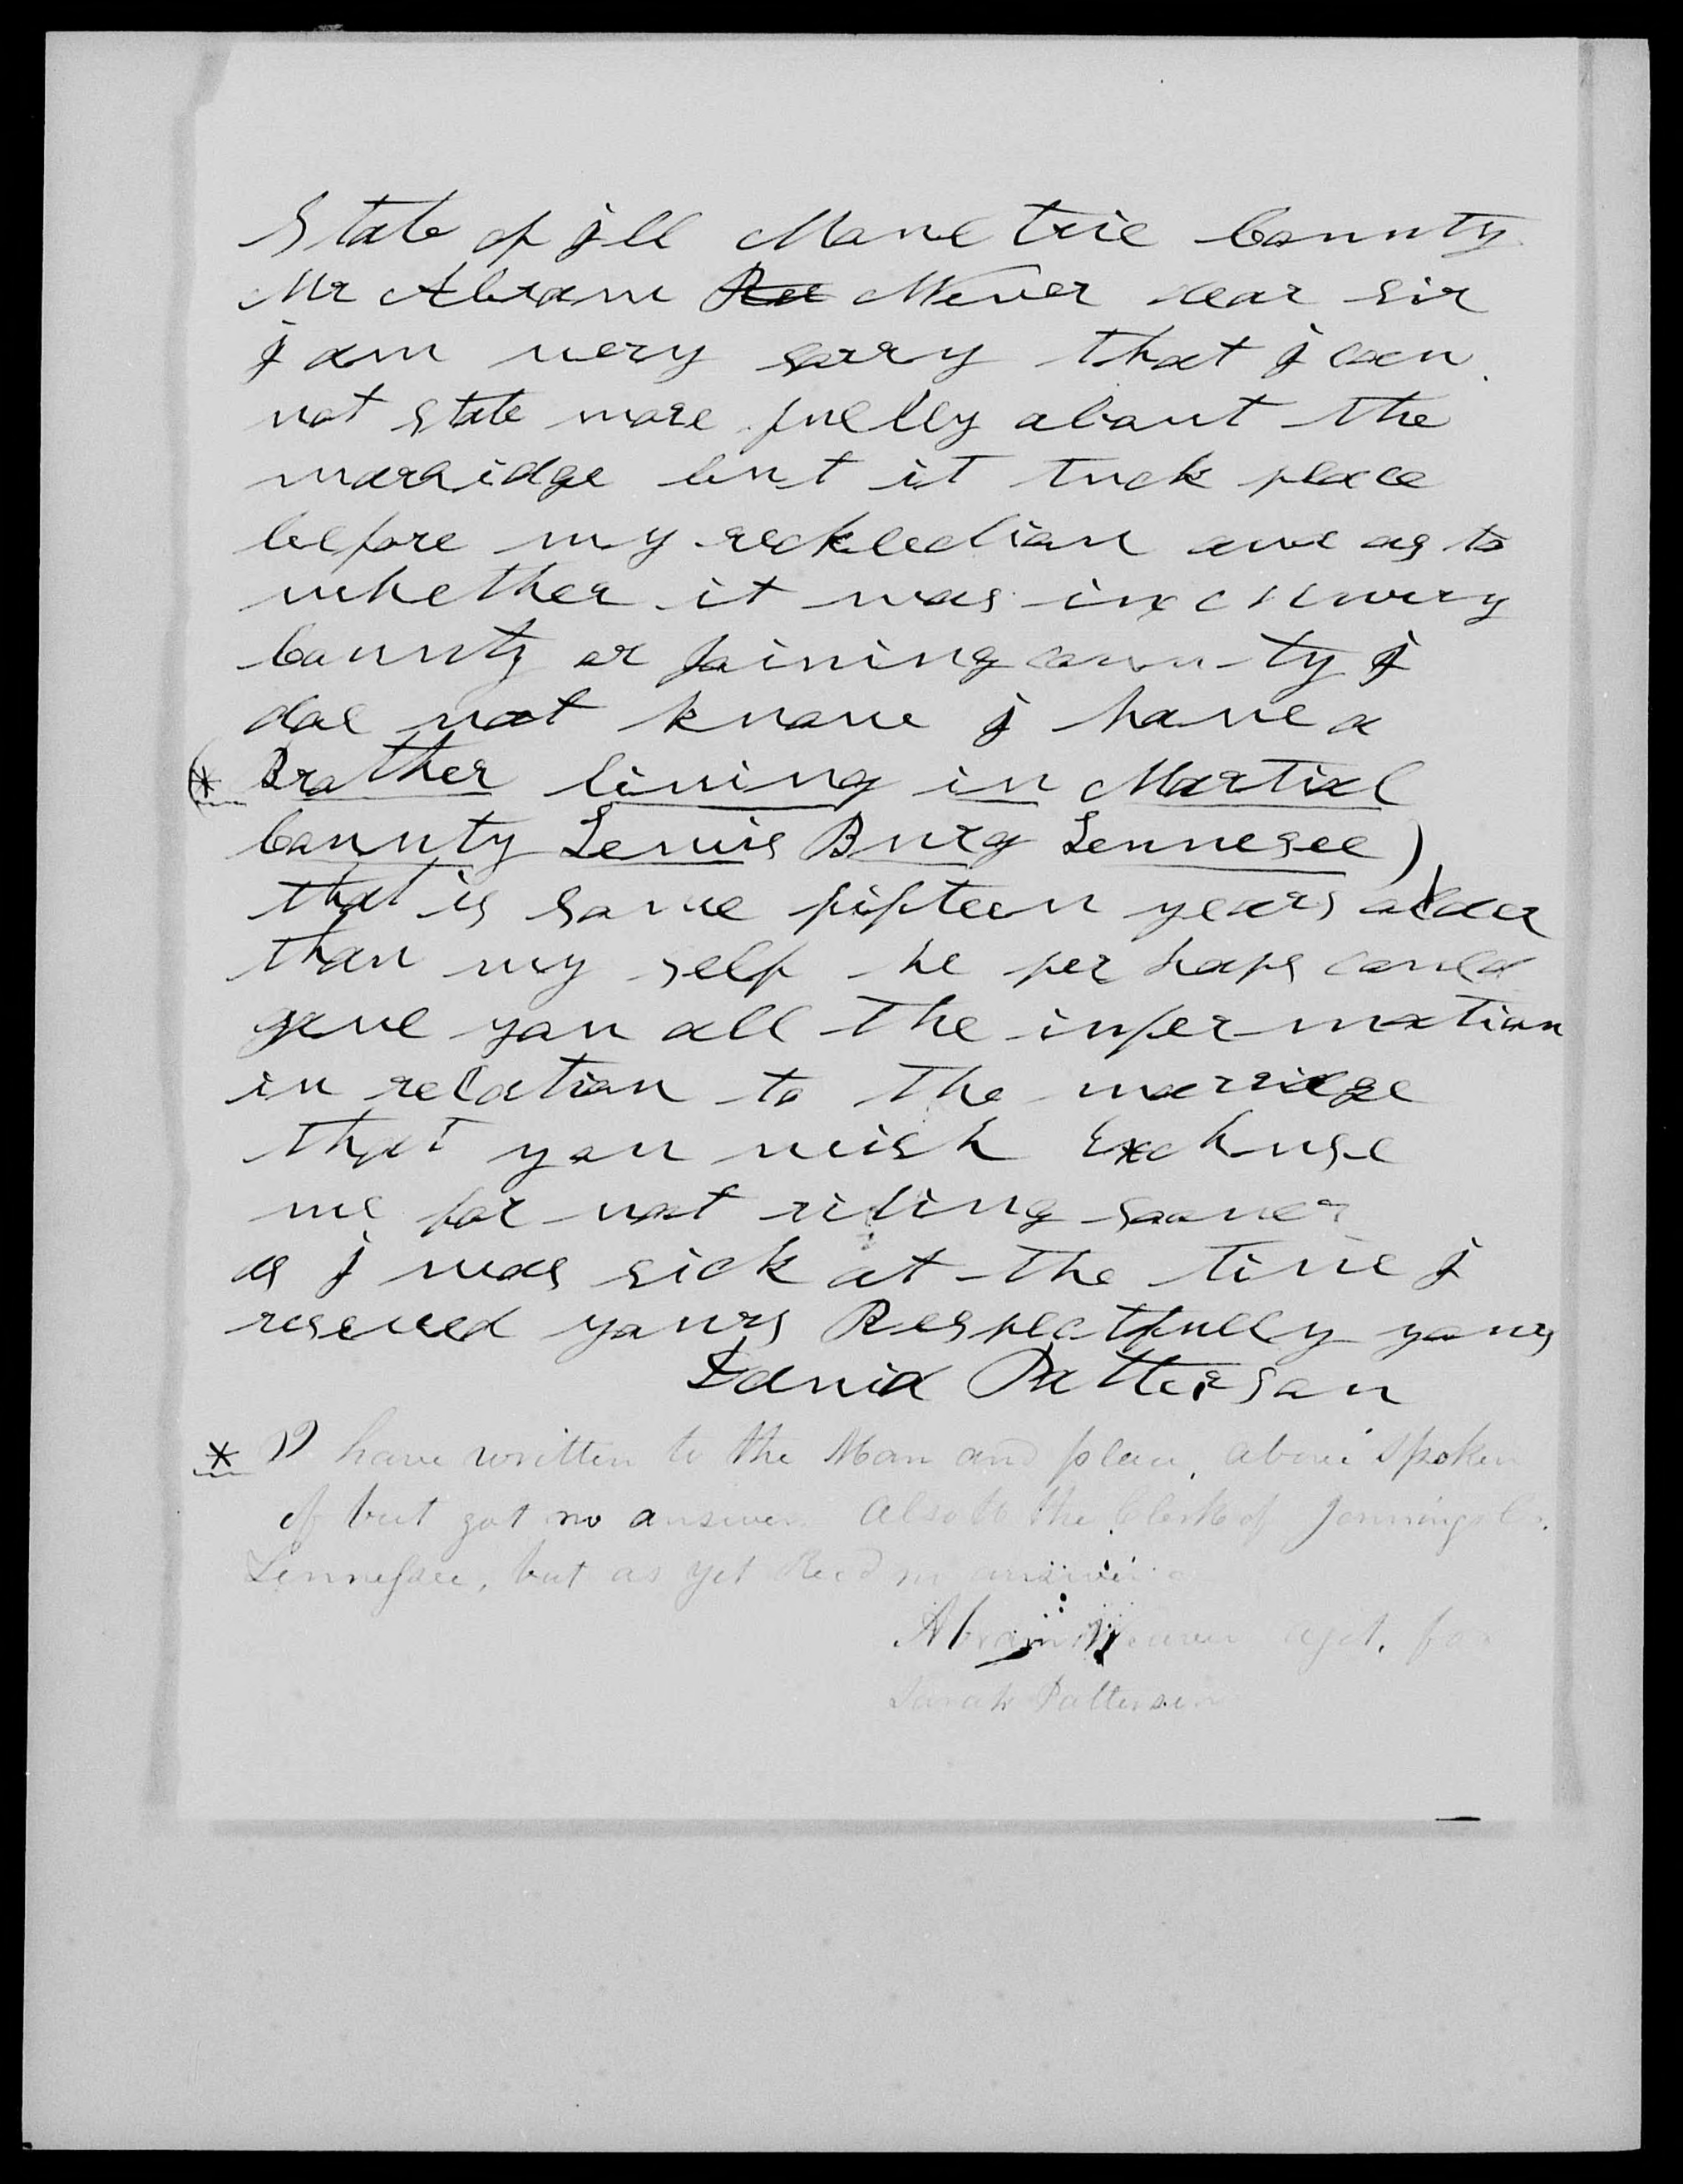State of Ill [could be Moultrie] Manetie County 
Mr Abram Weaver
dear sir 
I am very [illegible sorry] that I can not state more fuelly about the marridge but it tuek place before my [illegible reckledian] and as to whether it was in [illegible cllrvery] County or [illegible Jaining] County 
I do not know I have a (* Brother living in [illegible Martin] County Lewis But [illegible g] Tennesee) that is some fifteen years adder than myself - he perhaps could give you all the information in relation to the marriage that you wish Excuse me for not [illegible giving one] as I was sick at the time I received yours
Respectfully your 
David Patterson 

“*” I have written to the Man and place above spoken of but got no answer, also to the Clerk of Jennings C. Tennessee, but as yet rec’d no answer.
Abram Weaver aget. For
Sarah Patterson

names: [BLANK] Alexane; Abram Weaver; Sarah Patterson; David Patterson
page: 36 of 69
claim: widow's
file: W. 10861, for James Patterson, North Carolina